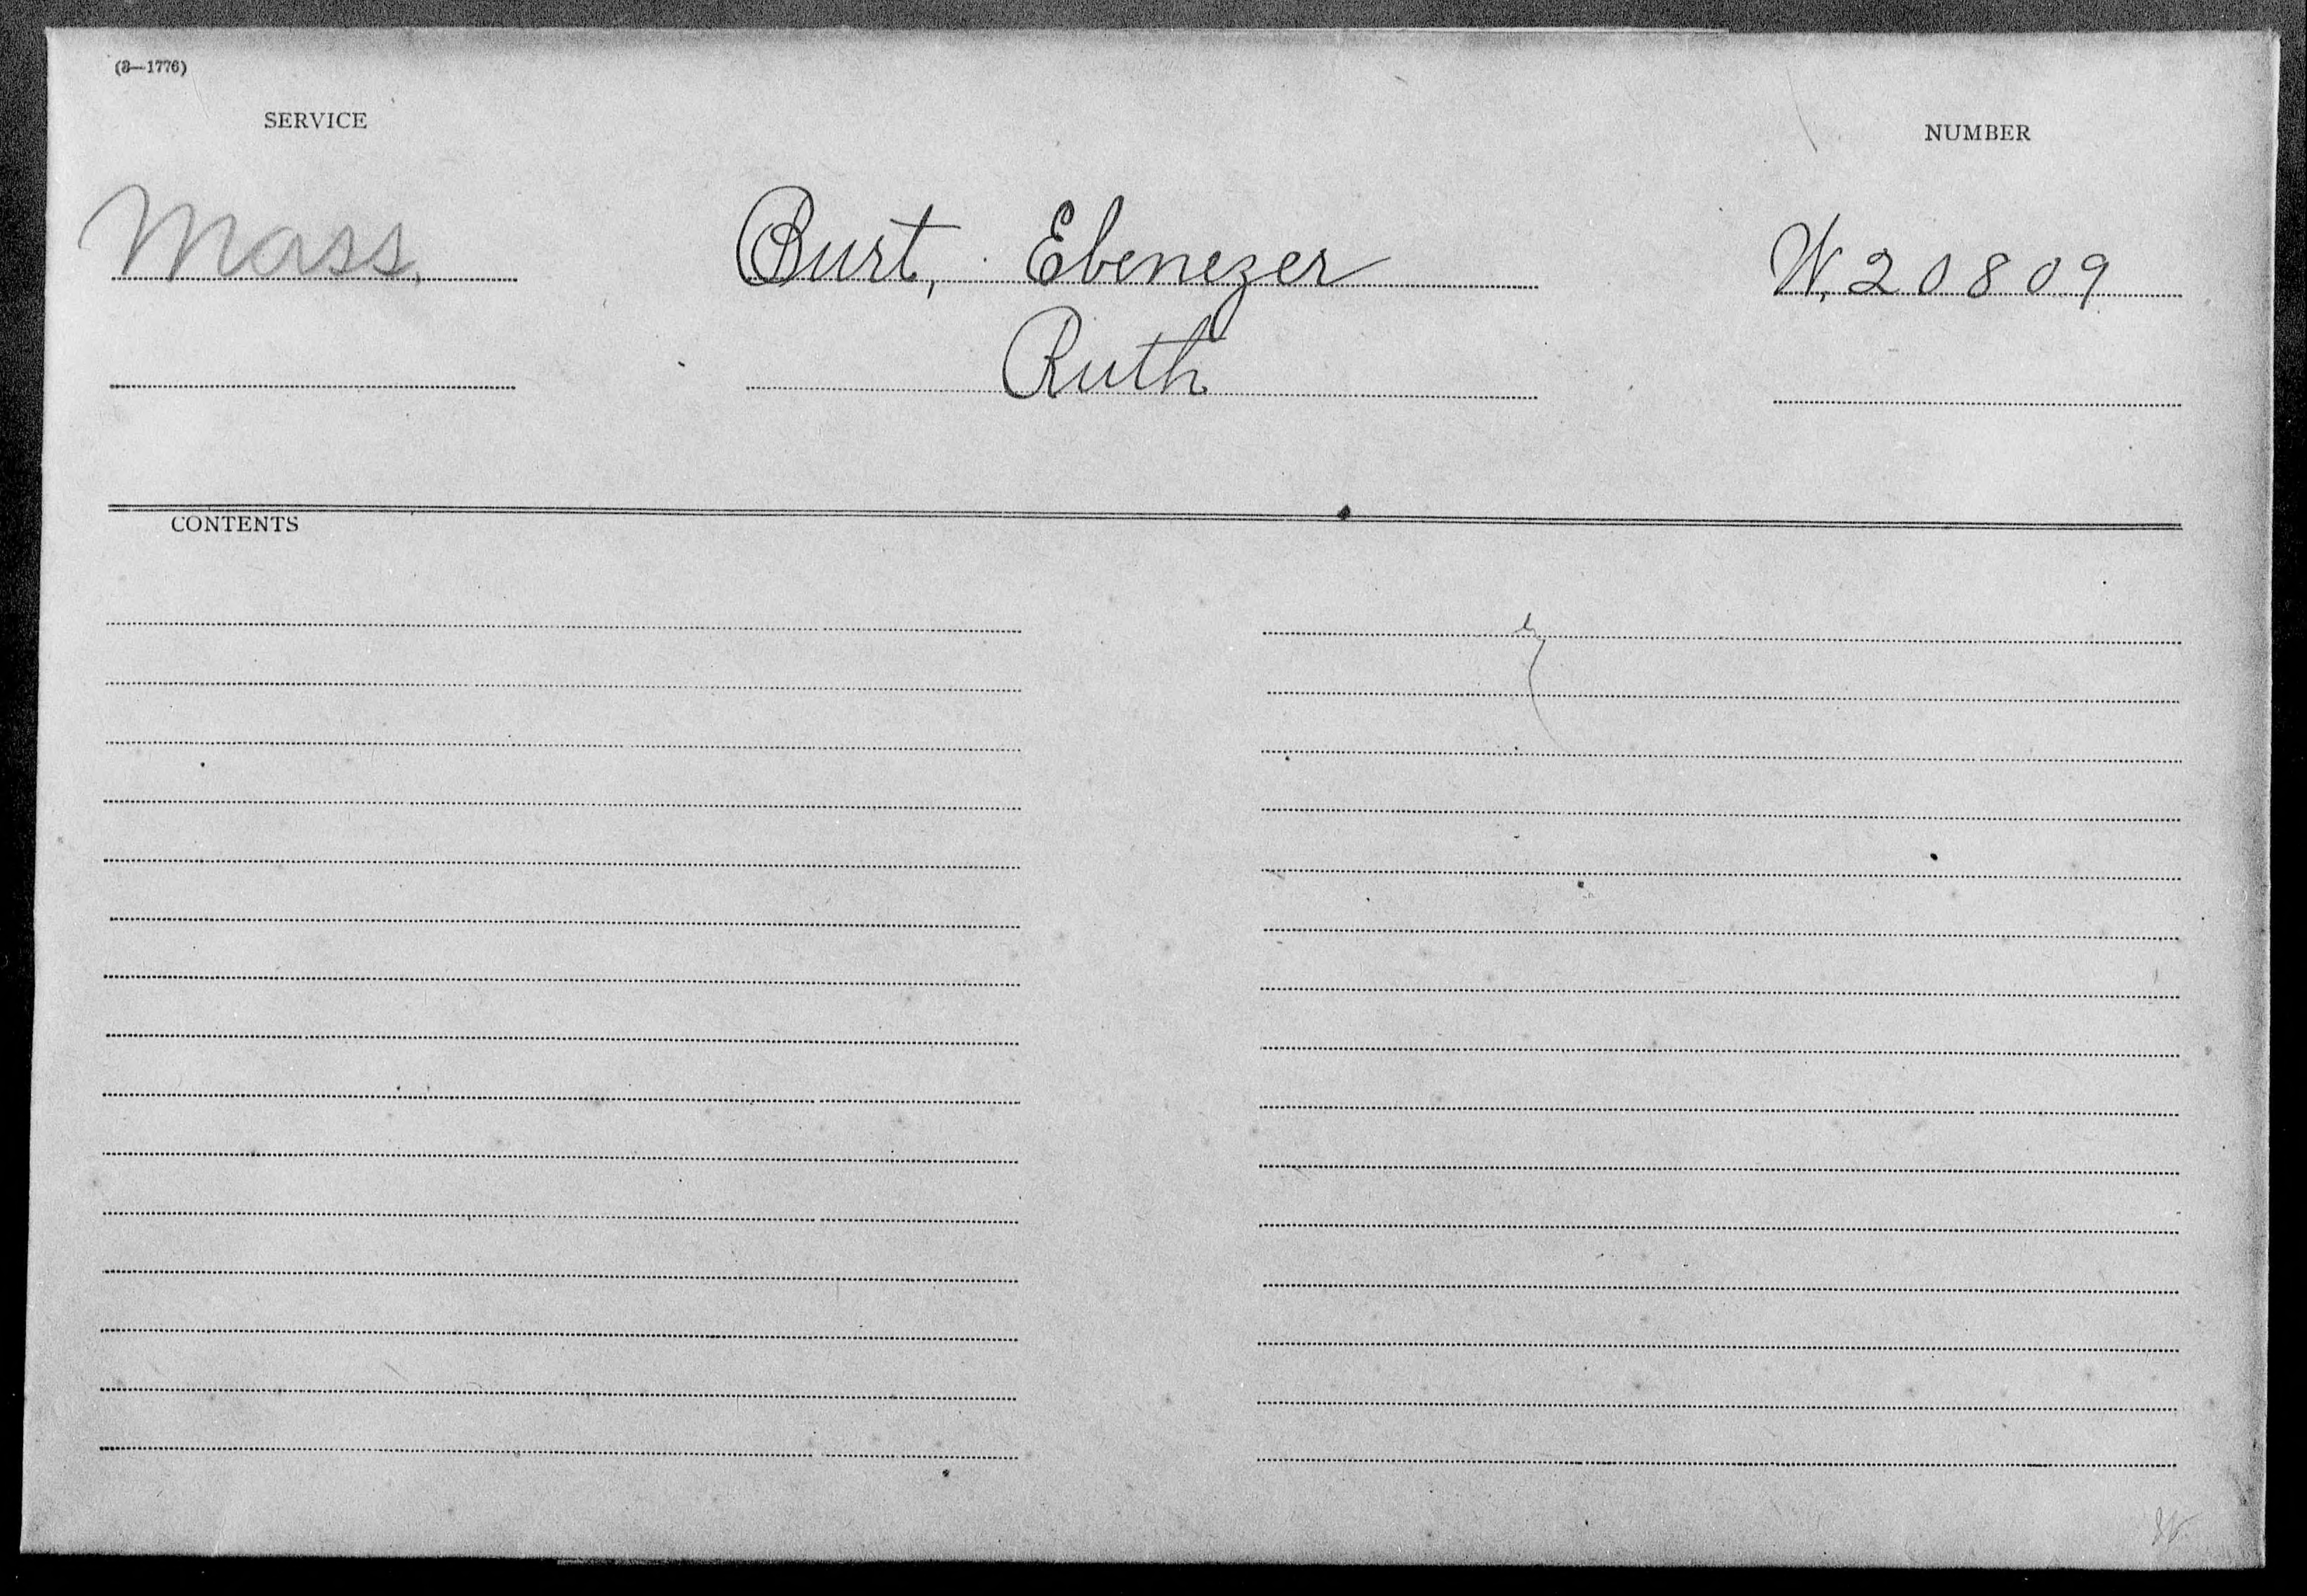(3-776)

SERVICE
Mass.

Burt, Ebenezer
          Ruth

NUMBER
W.20809

CONTENTS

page: 1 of 17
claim: widow's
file: W. 20809, Ebenezer Burt, Mass.